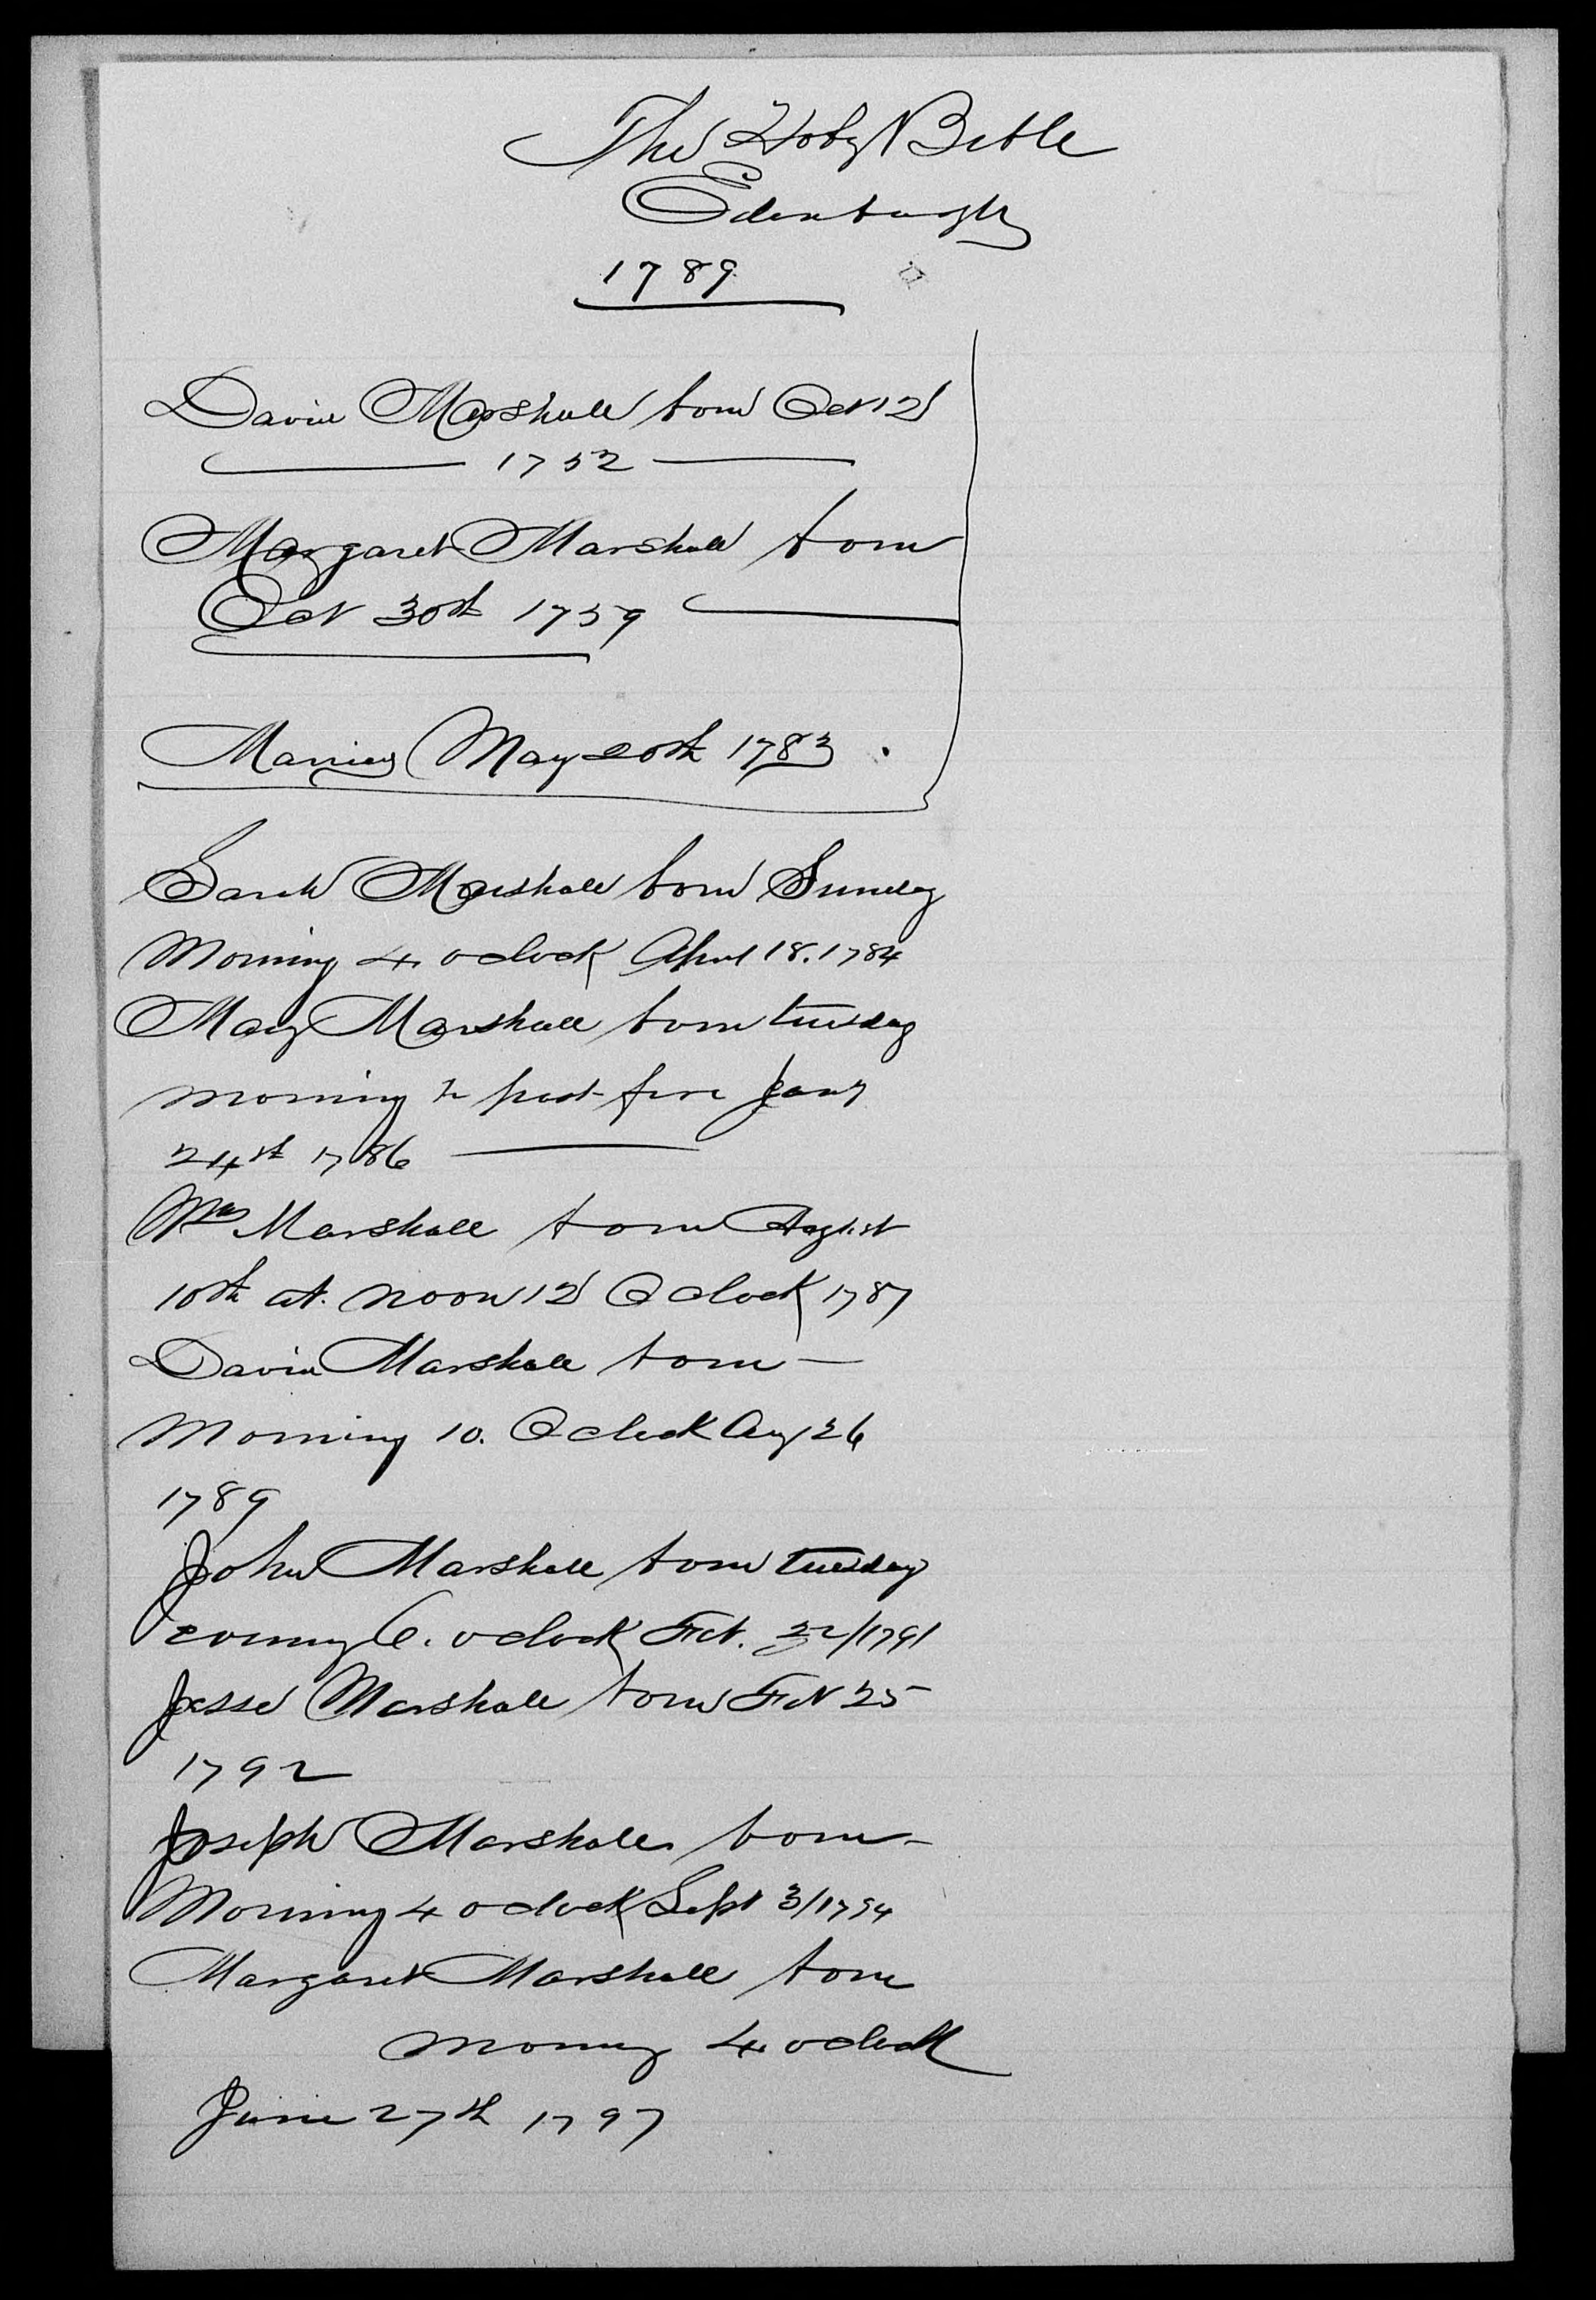The Holy Bible
Edinburgh
1789

David Marshall born
Oct ?? 1752

Margaret Marshall born
Oct 30th 1759 ________

Marriage May ?? 1783

Sarah Marshall born Sunday
Morning 4 oclock April 18, 1784
Mary Marshall born Tuesday
morning in ??? Jany
24th 1786 _______
?? Marshall born August
10th at noon 12 oc.ock 1787
David Marshall born ____
morning 10. oclock Aug 26 
1789
John Marshall born Tuesday
evening 6 oclock ?? ??/1791
Jesse Marshall born Feb 25
1792
Joseph Marshall born
morning 4 oclock Sept 3/1754
Margaret Marshall born
morning 4 oclock
June 27 1797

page: 9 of 86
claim: widow's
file: W. 3571, for David Marshall, Pennsylvania